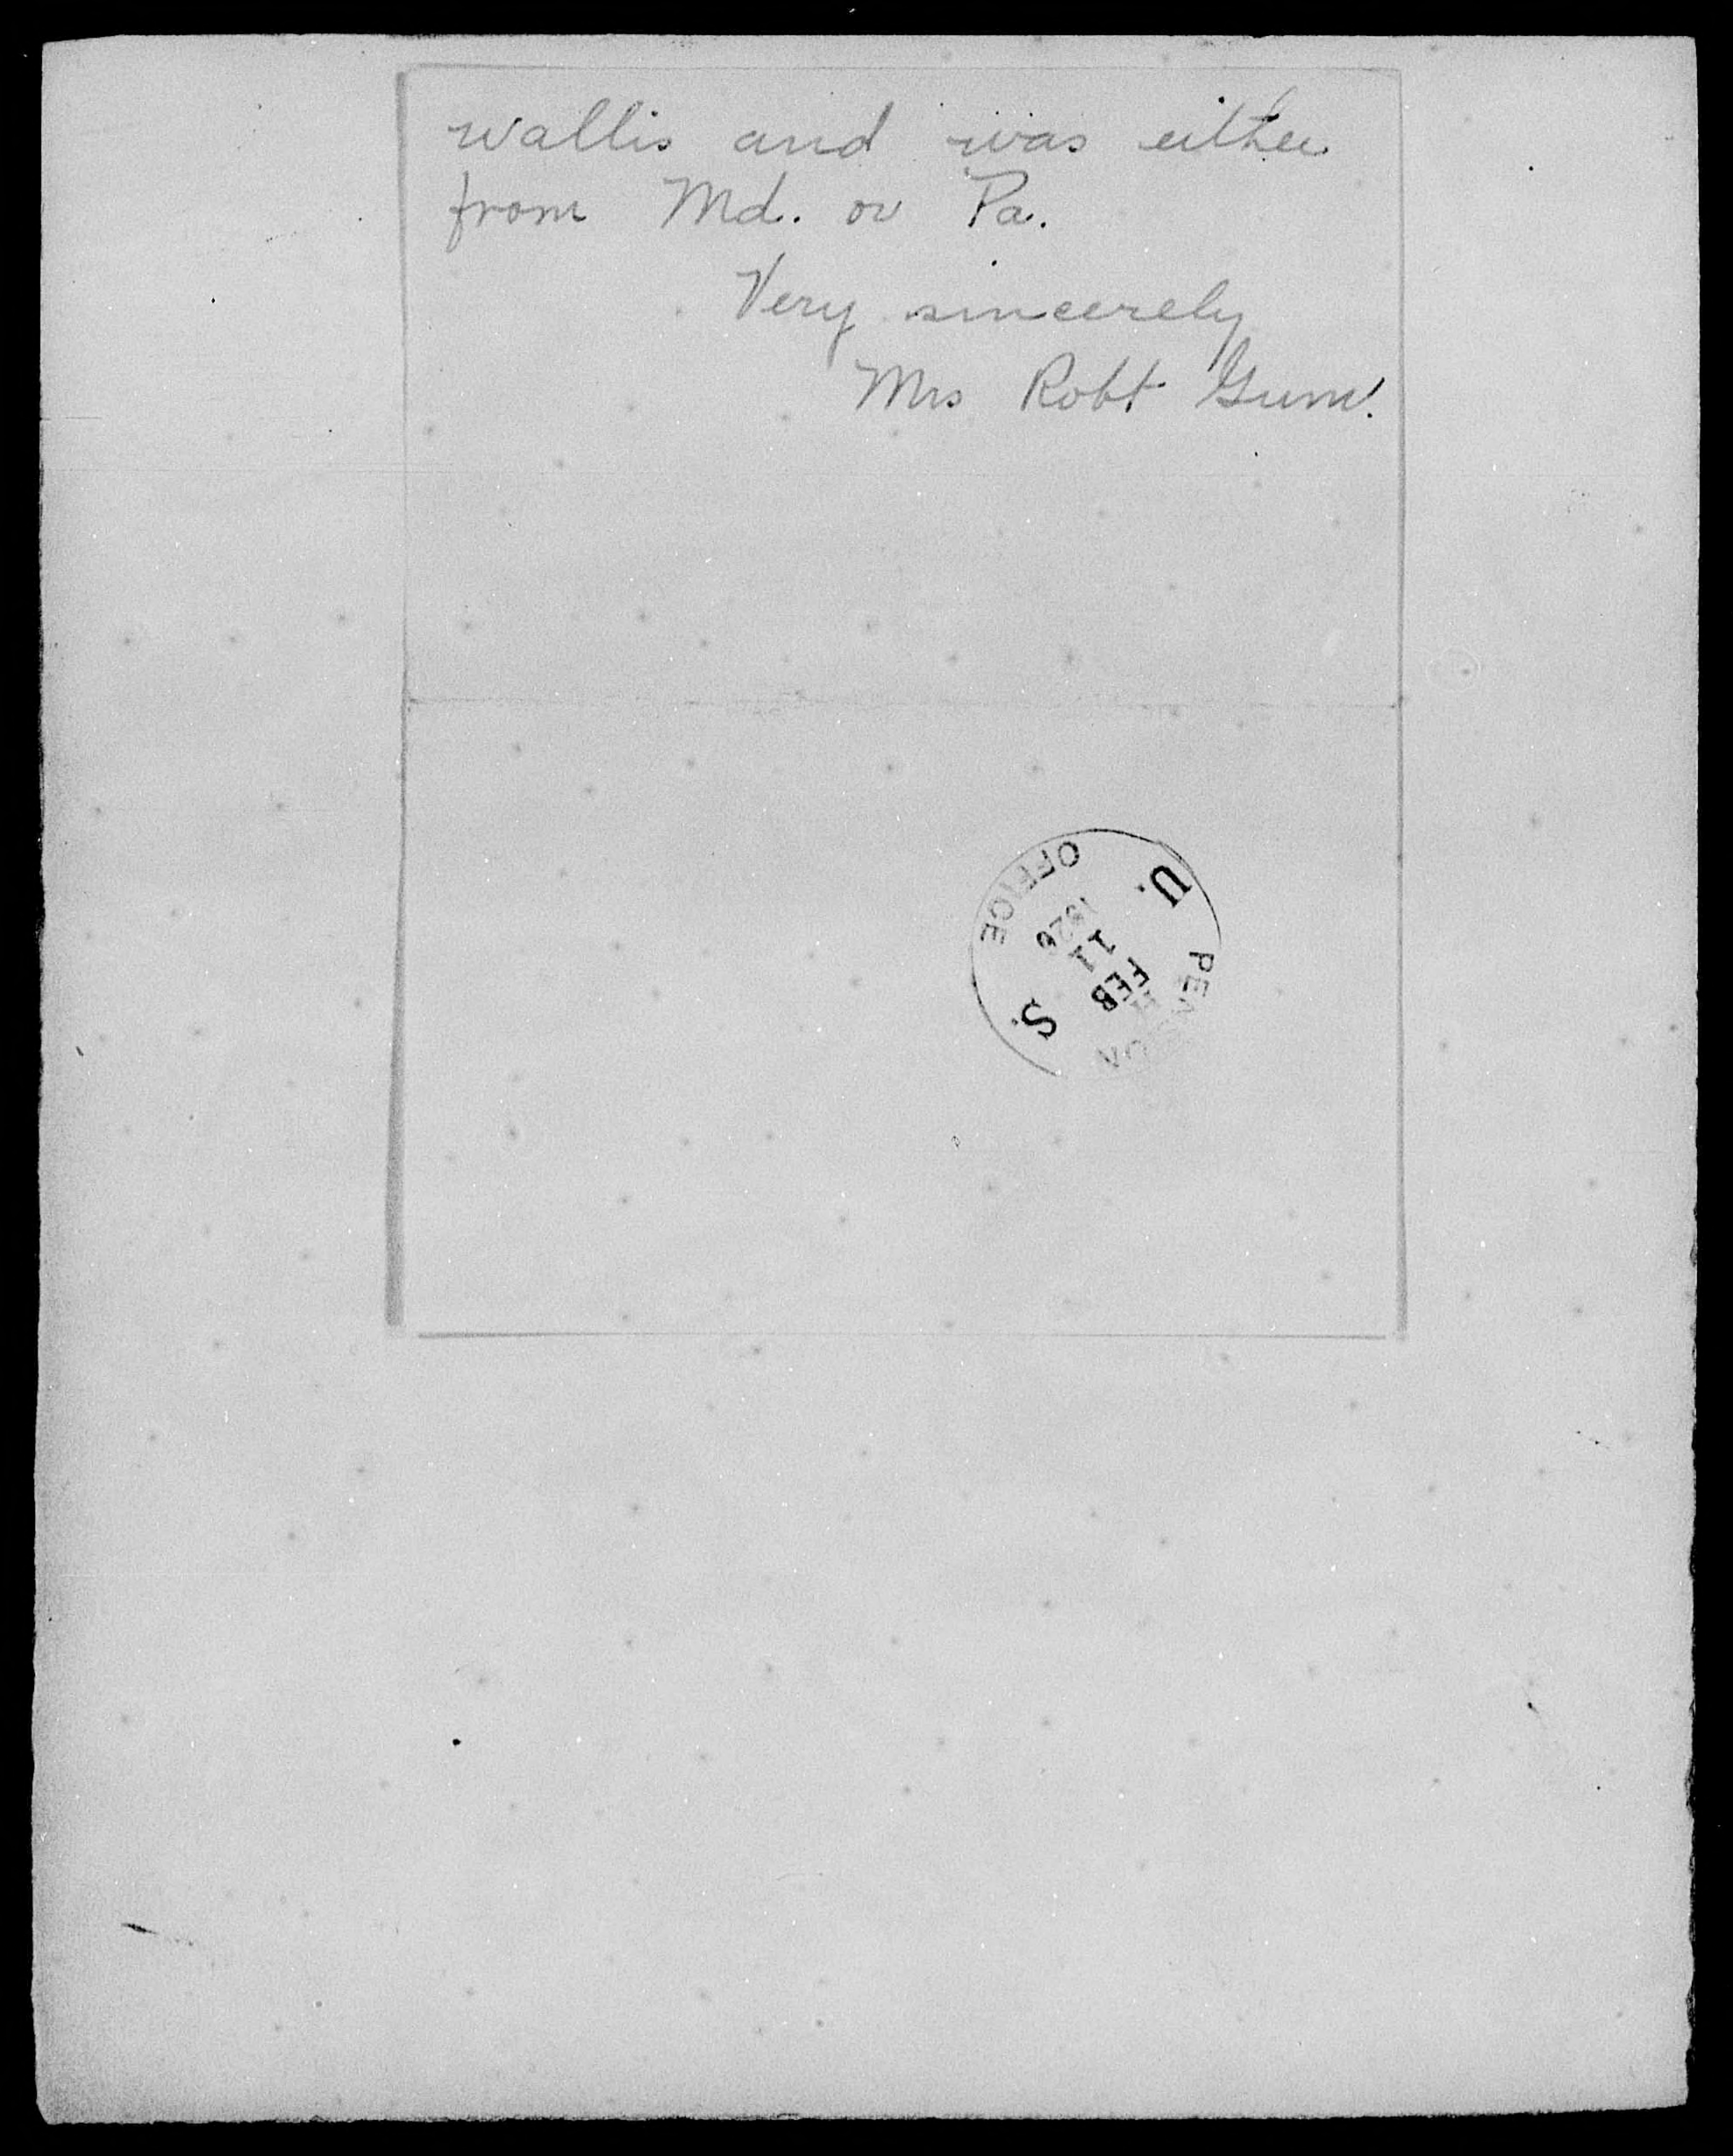wallis and was either from Md. or Pa.
Very sincerely
Mrs Robt Gunn

U.S. PENSION OFFICE 
H  FEB 11 1926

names: Robt Gunn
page: 45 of 58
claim: survivor's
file: S. 6,941, Starling Gunn, Continental Va.